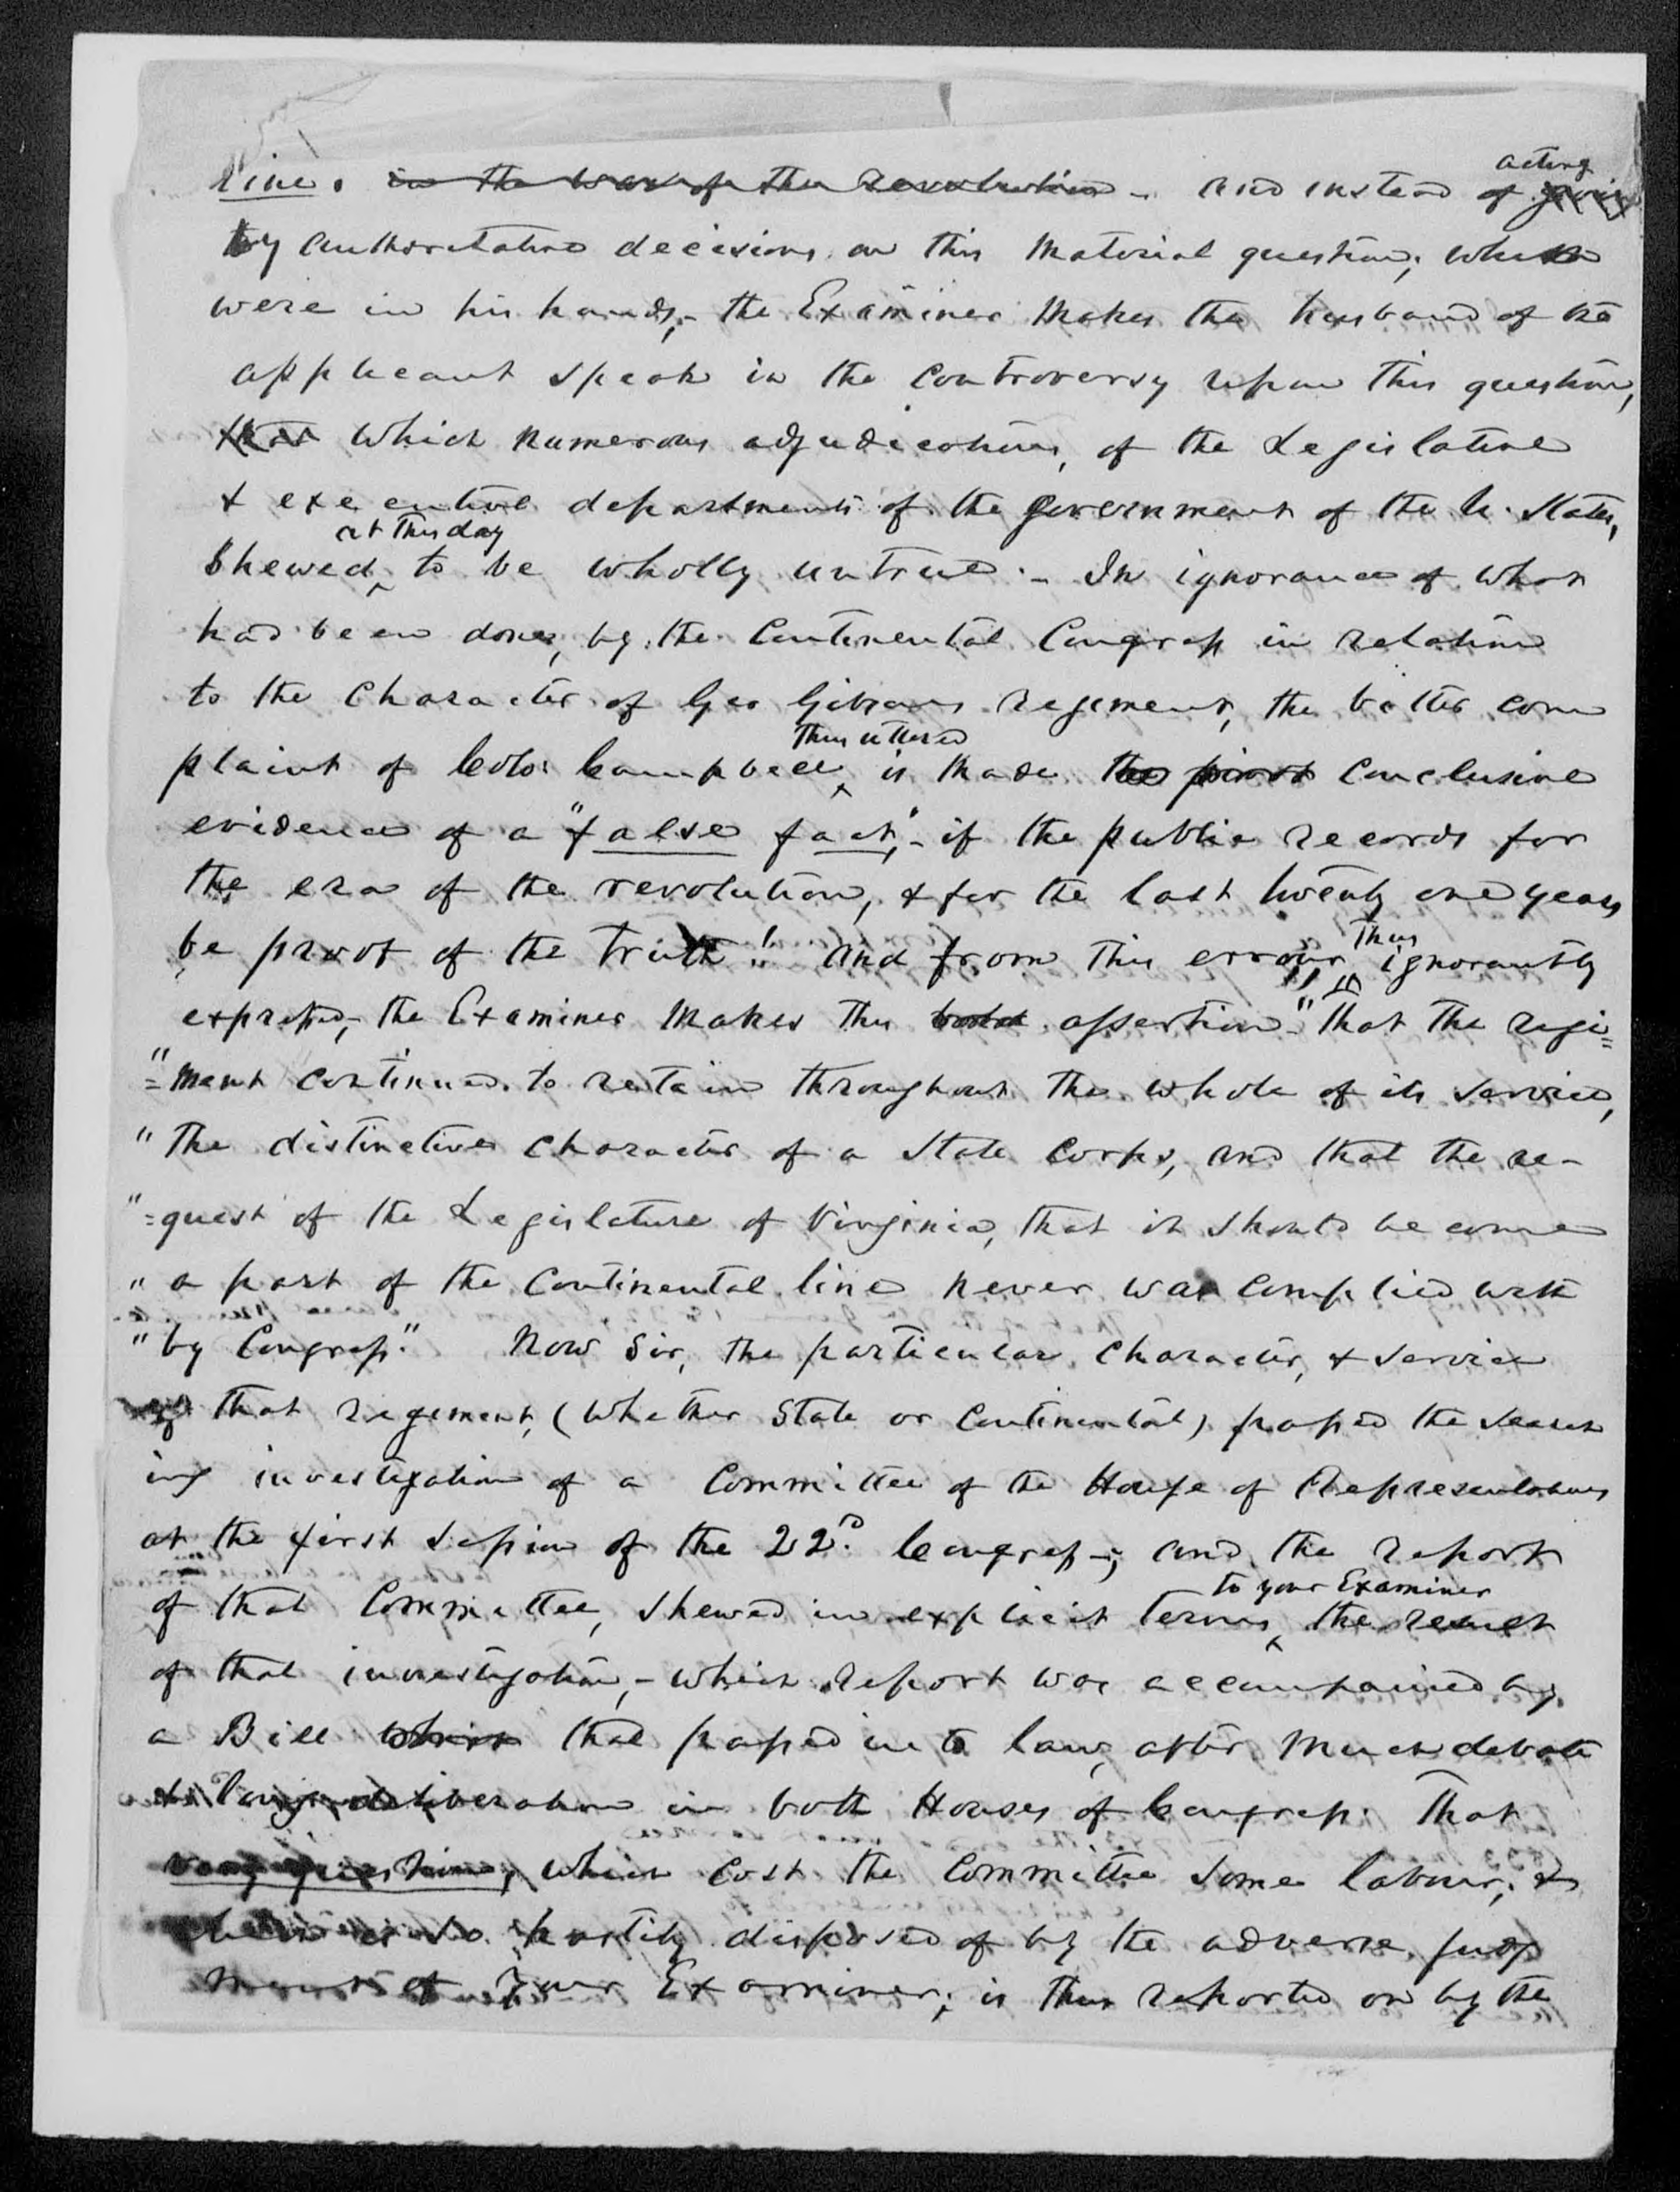line.  And instead of acting by authoritative decision on this material question, which were in his hands, the examiner makes the husband of the applicant speak in the controversy upon this question, which numerous adjudications of the legislative and executive departments of the government of the U. States, shewed at this day to be wholly untrue.  In ignorance of what has been done, by the Continental Congress in relation to the character of Geo. Gibson's regiment, the bitter complaint of Colo. Campbell then uttered is made conclusive evidence of a "false fact" - if the public records for the era of the revolution & for the last twenty one years be part of the truth!  And from this error they ignorantly expressed, the examiner makes the assertion "that the regiment continued to retain throughout the whole of its service, the distinctive character of a state corps, and that the request of the Legislature of Virginia, that it should become a part of the Continental line never was complied with by Congress."  Now sir, the particular character & service of that regiment, (whether state or Continental) passed the searing investigation of a Committee of the House of Representatives at the first session of the 22d Congress, and the report of that Committee, shewed in explicit terms to your examiner the result of that investigation, which report was accompanied by a Bill that passed into law after much debate in both Houses of Congress.  That [obscured] which cost the committee some labor, & [obscured] disposed of by the adverse [illegible] ments of your examiner, is then reported on by the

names: Geo Gibson, Campbell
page: 224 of 267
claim: widow's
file: W. 4,149, William Campbell, Va.